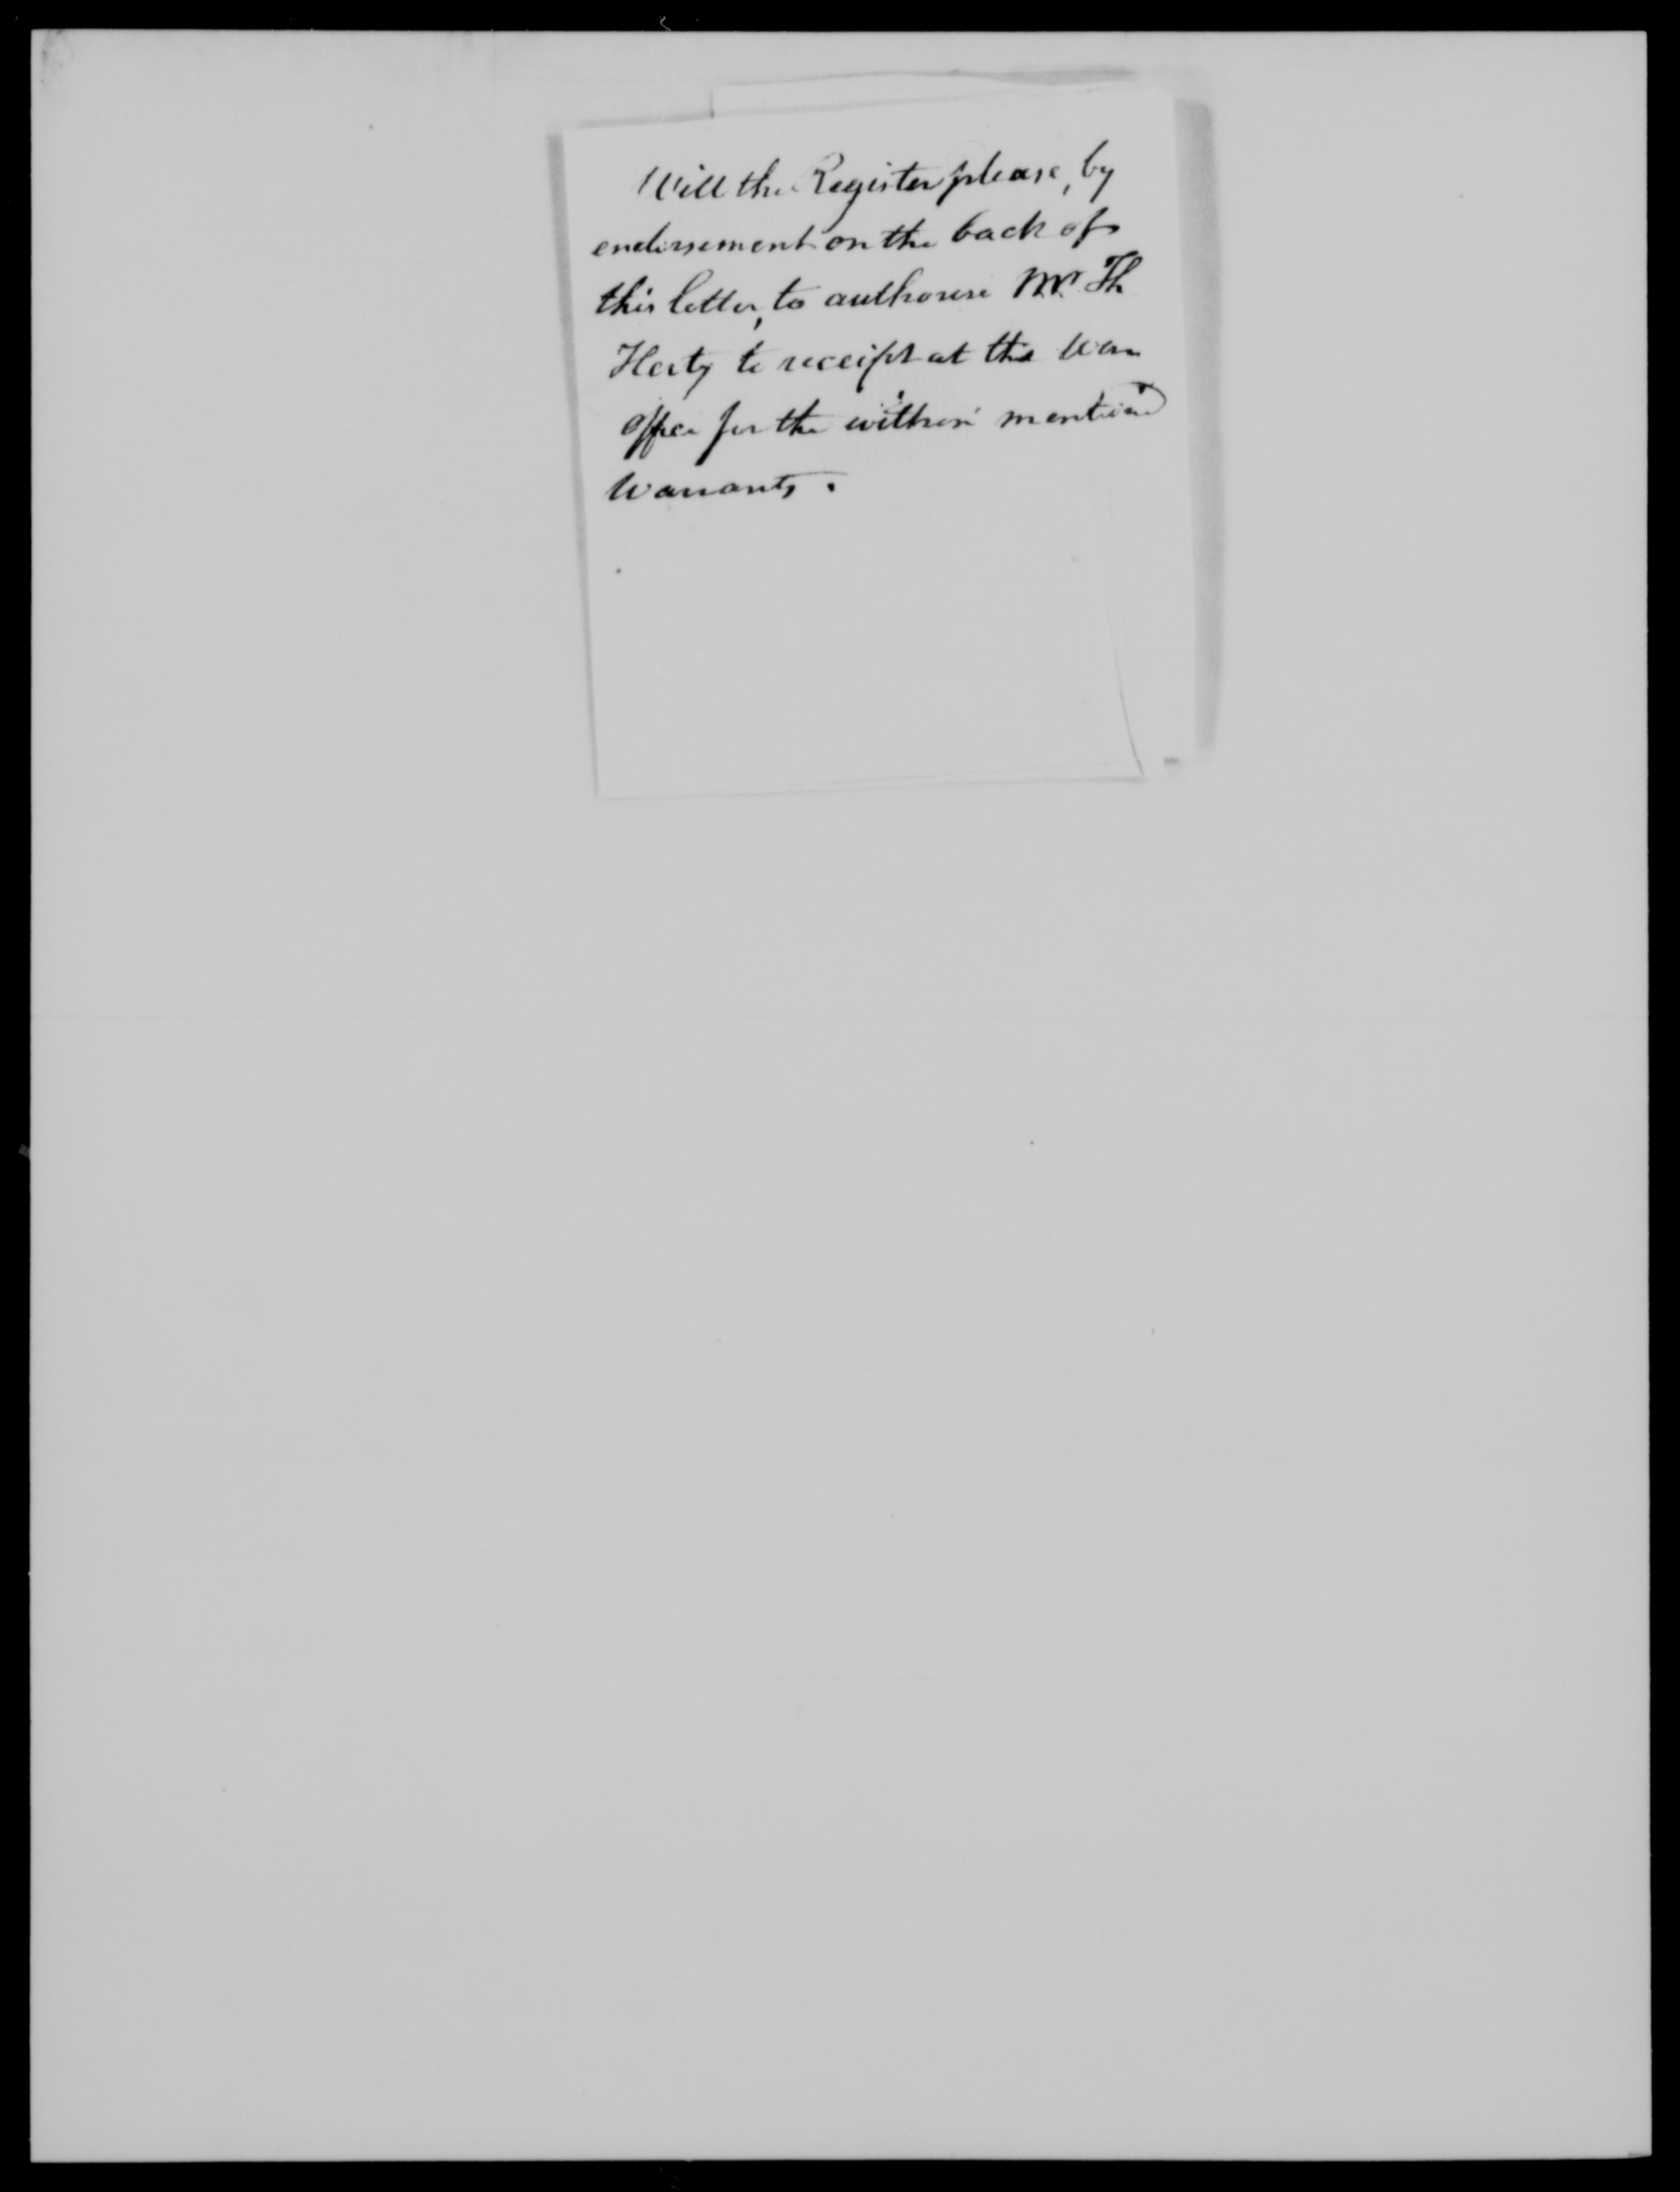Will the Register please, by endorsement on the back of this letter, to authorize Mr Th Hertz to receipt at the War office for the within mentioned Warrants.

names: Th Herty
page: 10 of 13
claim: bounty land warrant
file: B. L. Wt. 428-200, Marcus Young, Penn.